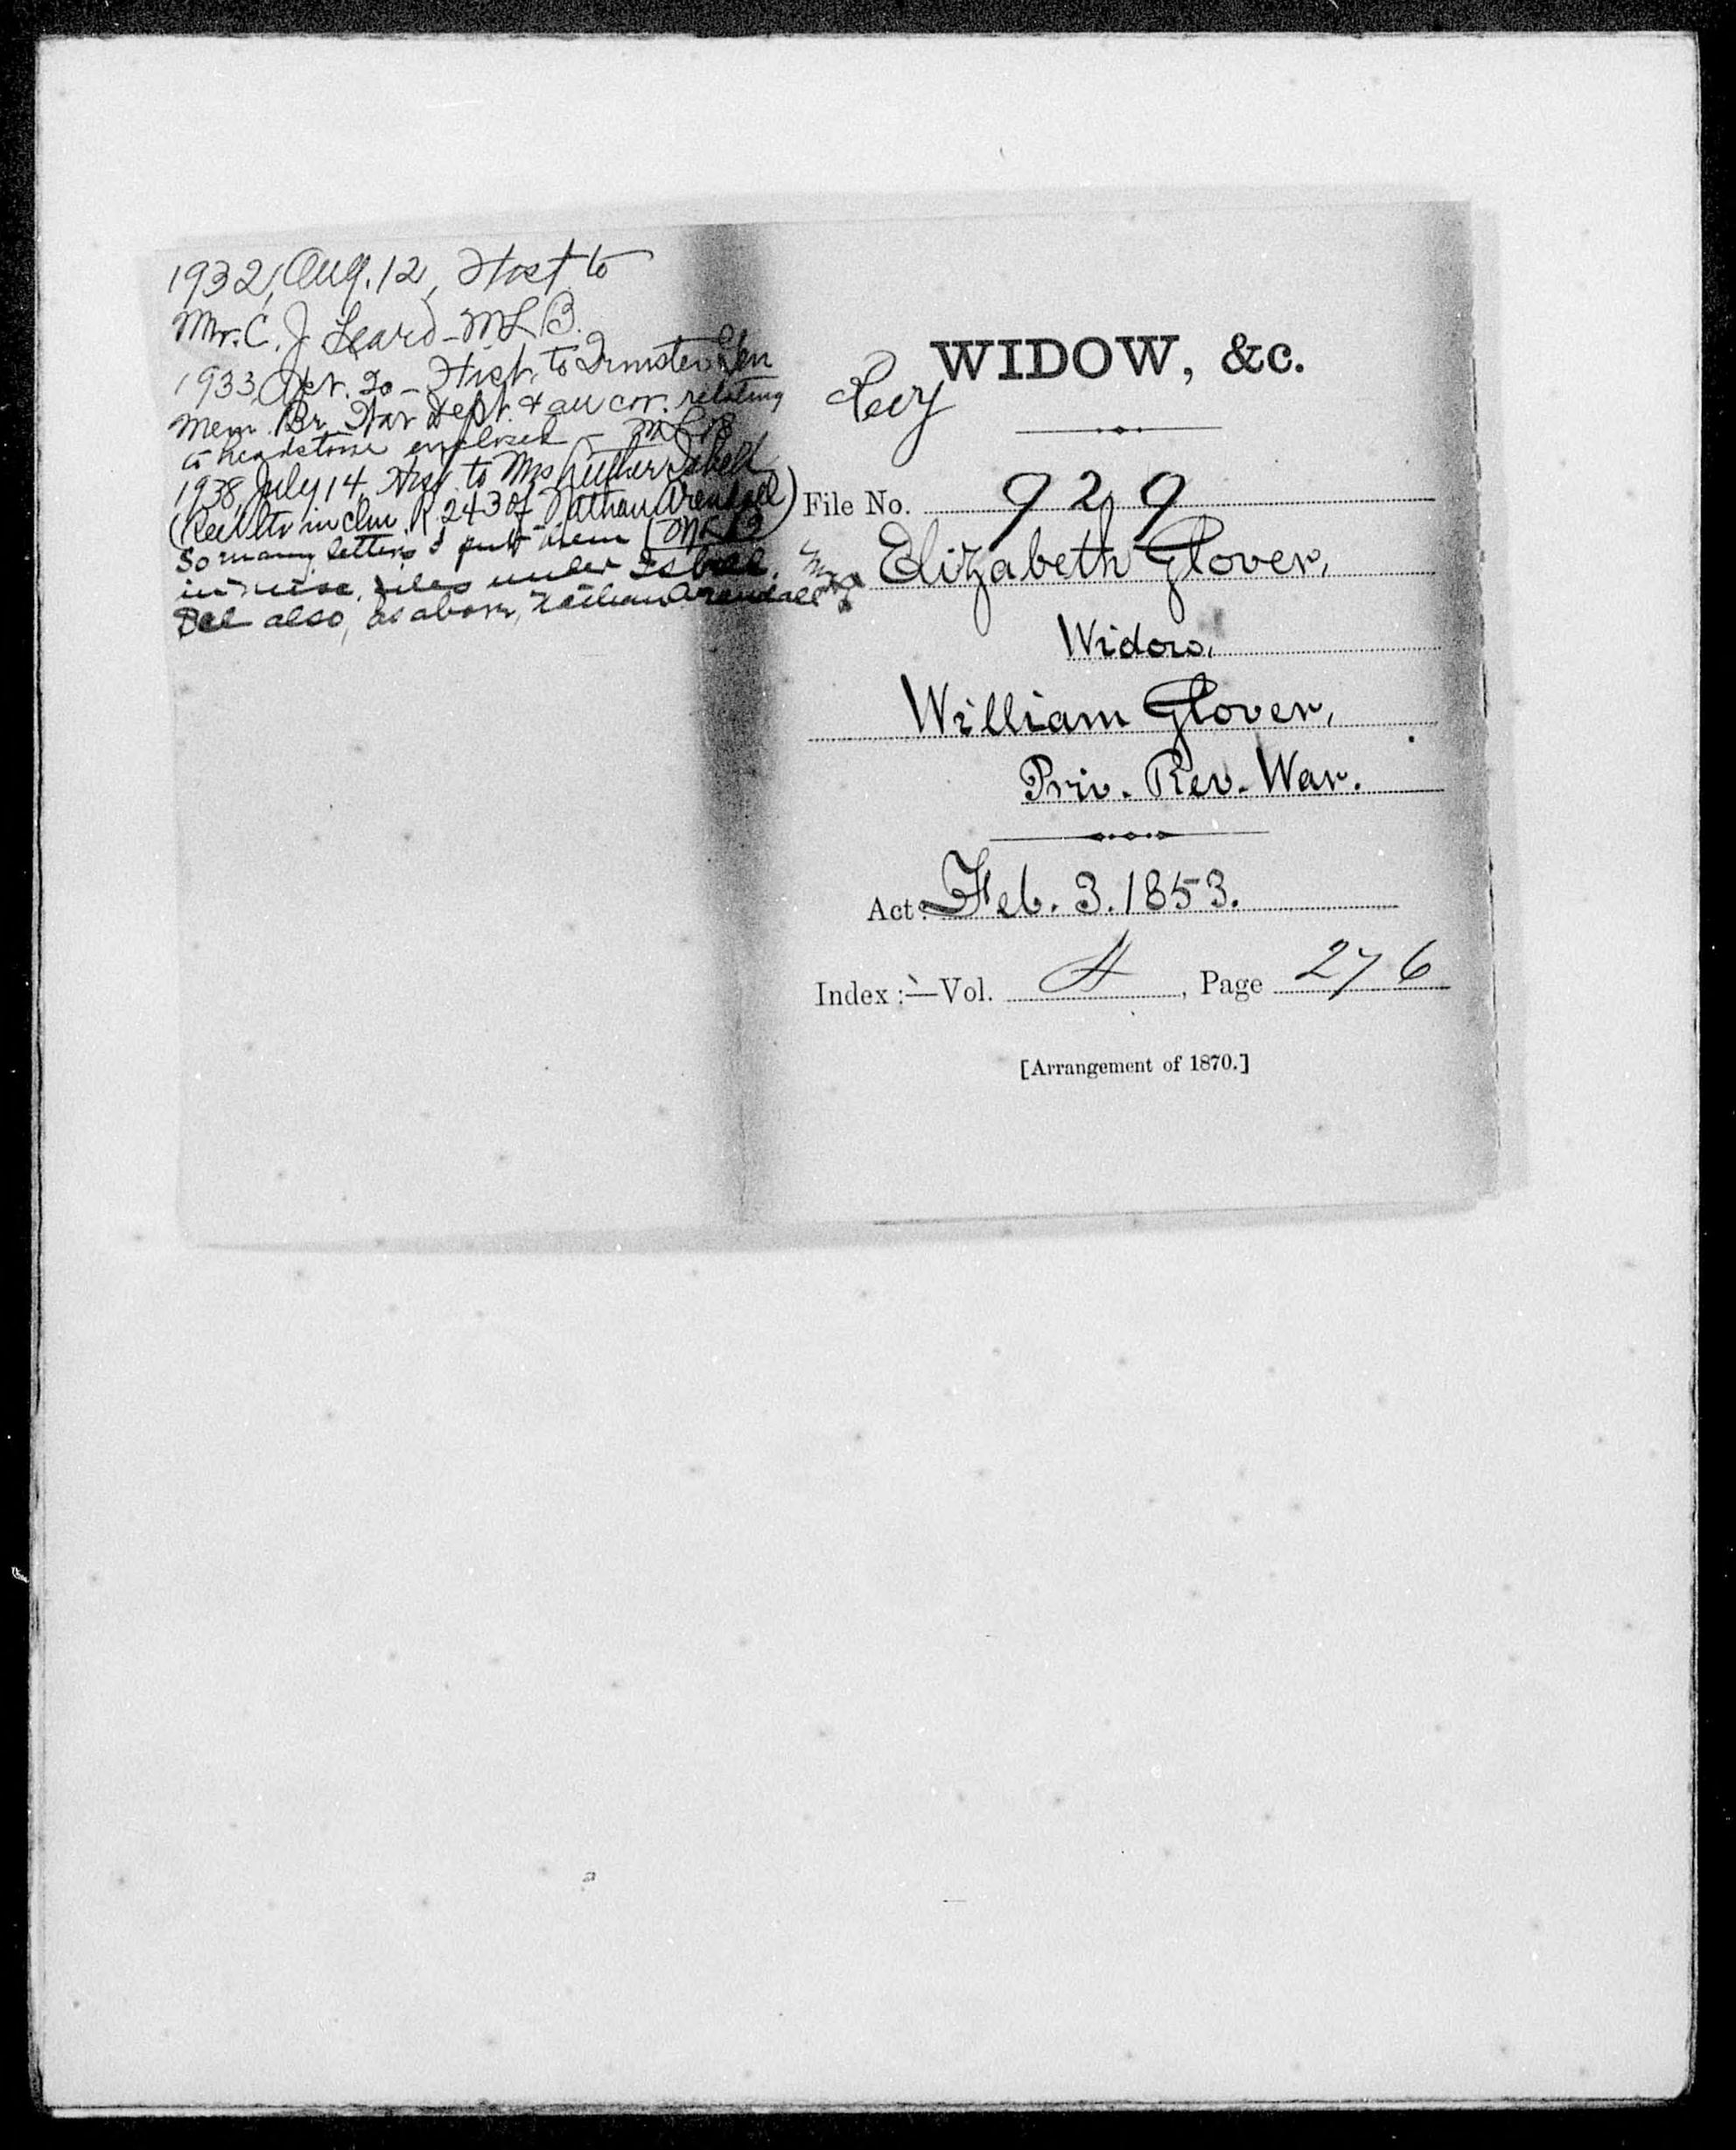1932, Aug. 12, [illegible] to
Mr. C.J Leard-MLB
1933, Apr. 20-[illegible] to [illegible] Gen
Meyer. Br War Dept. & [illegible] relating to [illegible] expired-M.F.B
1938, JULY 14, [ILLEGIBLE] to Ms. Luther Isbell
([illegible] in clue R 243 of Nathan Arendall)
So many letters & [illegible] them 
in with files under Isbell.
See also, above William Glover.

File No. 929
Elizabeth Glover,
Widow, 
William Glover
Priv.Rev.War.
Act. Feb. 3. 1853.
Index:-Vol. H, Page 276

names: William Glover, Elizabeth Glover, C J Leard, Luther Isbell, Demster, Nathan Arendall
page: 19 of 51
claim: widow's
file: W. 929, William Glover, N.C.